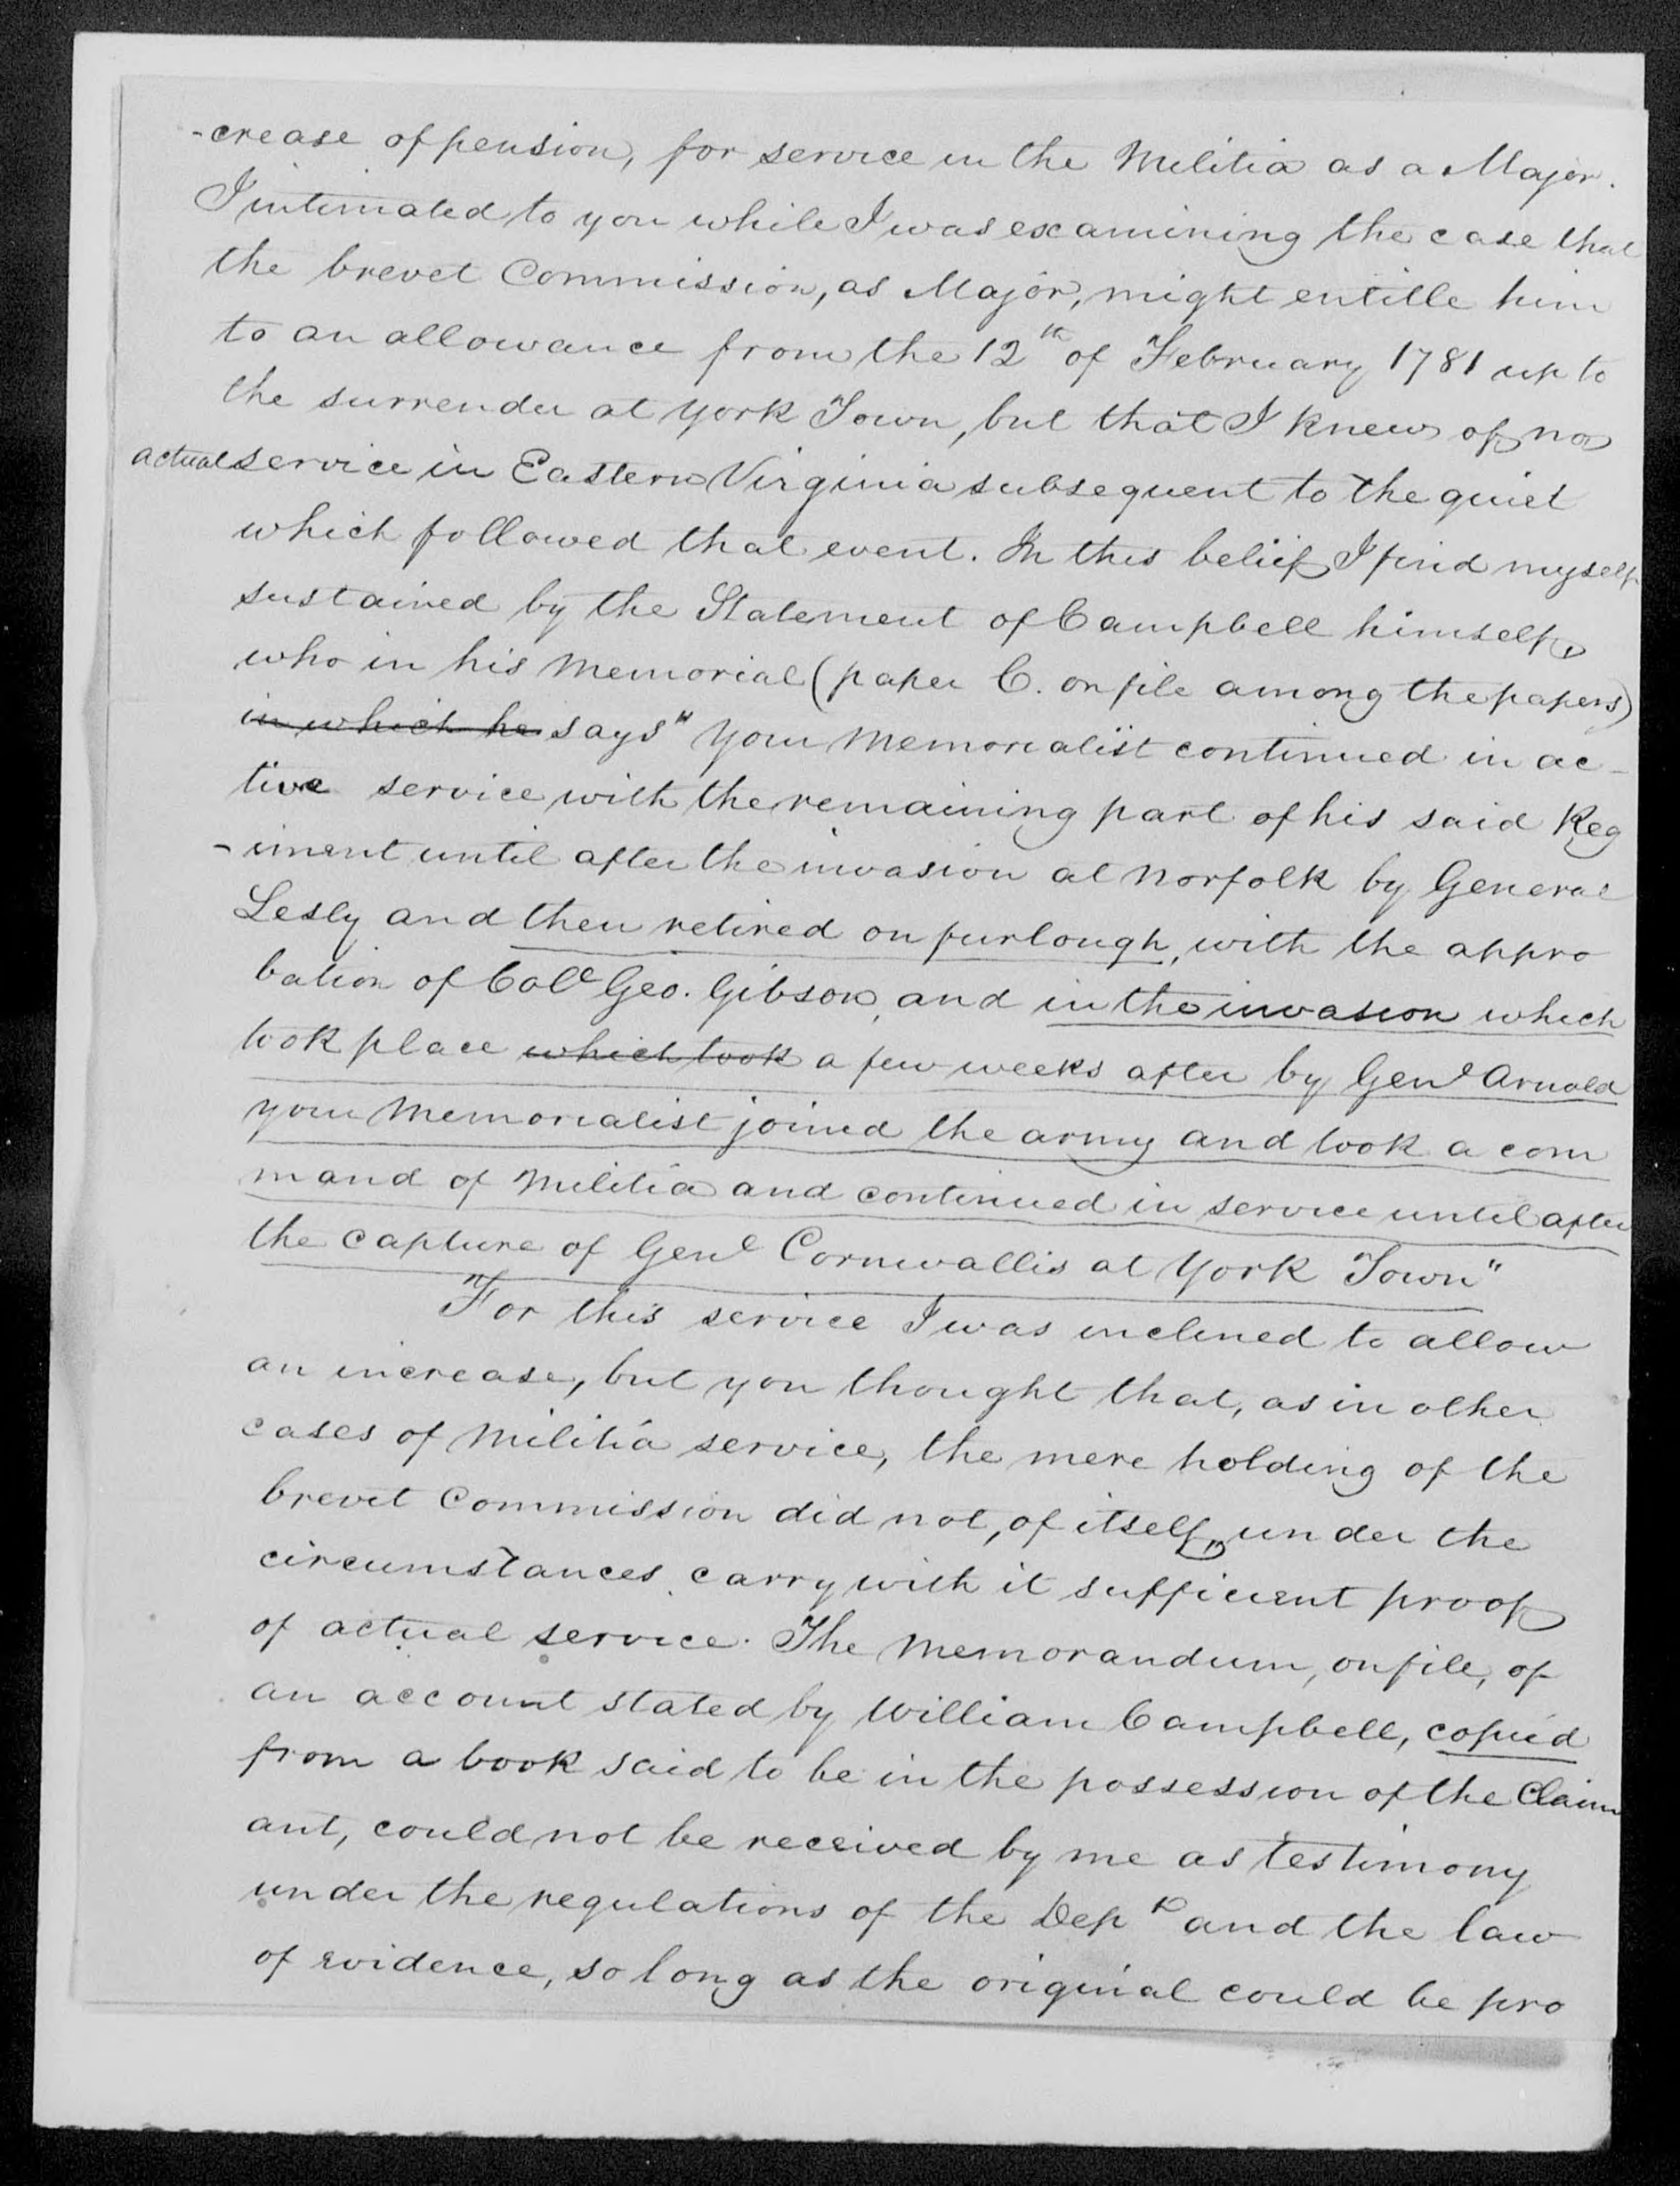-crease of pension, for service in the Militia as a Major. I intimated to you while I was examining the case that the brevet Commission, as Major, might entitle him to an allowance from the 12th of February 1781 up to the surrender at York Town, but that I knew of no actual service in Eastern Virginia subsequent to the quiet which followed that event. In this belief I find myself sustained by the Statement of Campbell himself, who in his memorial (paper C. on file among the papers) says "Your Memorialist continued in actual service, with the remaining part of his said Regiment until after the invasion at Norfolk by General Lesly and then retired on furlough, with the approbation of Colo Geo. Gibson, and in the invasion which took place a few weeks after by Genl Arnold your Memorialist joined the army and took a command of Militia and continued in service until after the capture of Genl Cornwallis at York Town"
For this service I was inclined to allow an increase, but you thought that, as in other cases of Militia service, the mere holding of the brevet Commission did not, of itself, under the circumstances carry with it sufficient proof of actual service. The memorandum, on file, of an account stated by William Campbell, copied from a book said to be in the possession of the Claimant, could not be received by me as testimony under the regulations of the Dept and the law of evidence, so long as the original could be pro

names: Lesly, Campbell, William Campbell, Geo Gibson, Arnold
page: 183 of 267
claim: widow's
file: W. 4,149, William Campbell, Va.